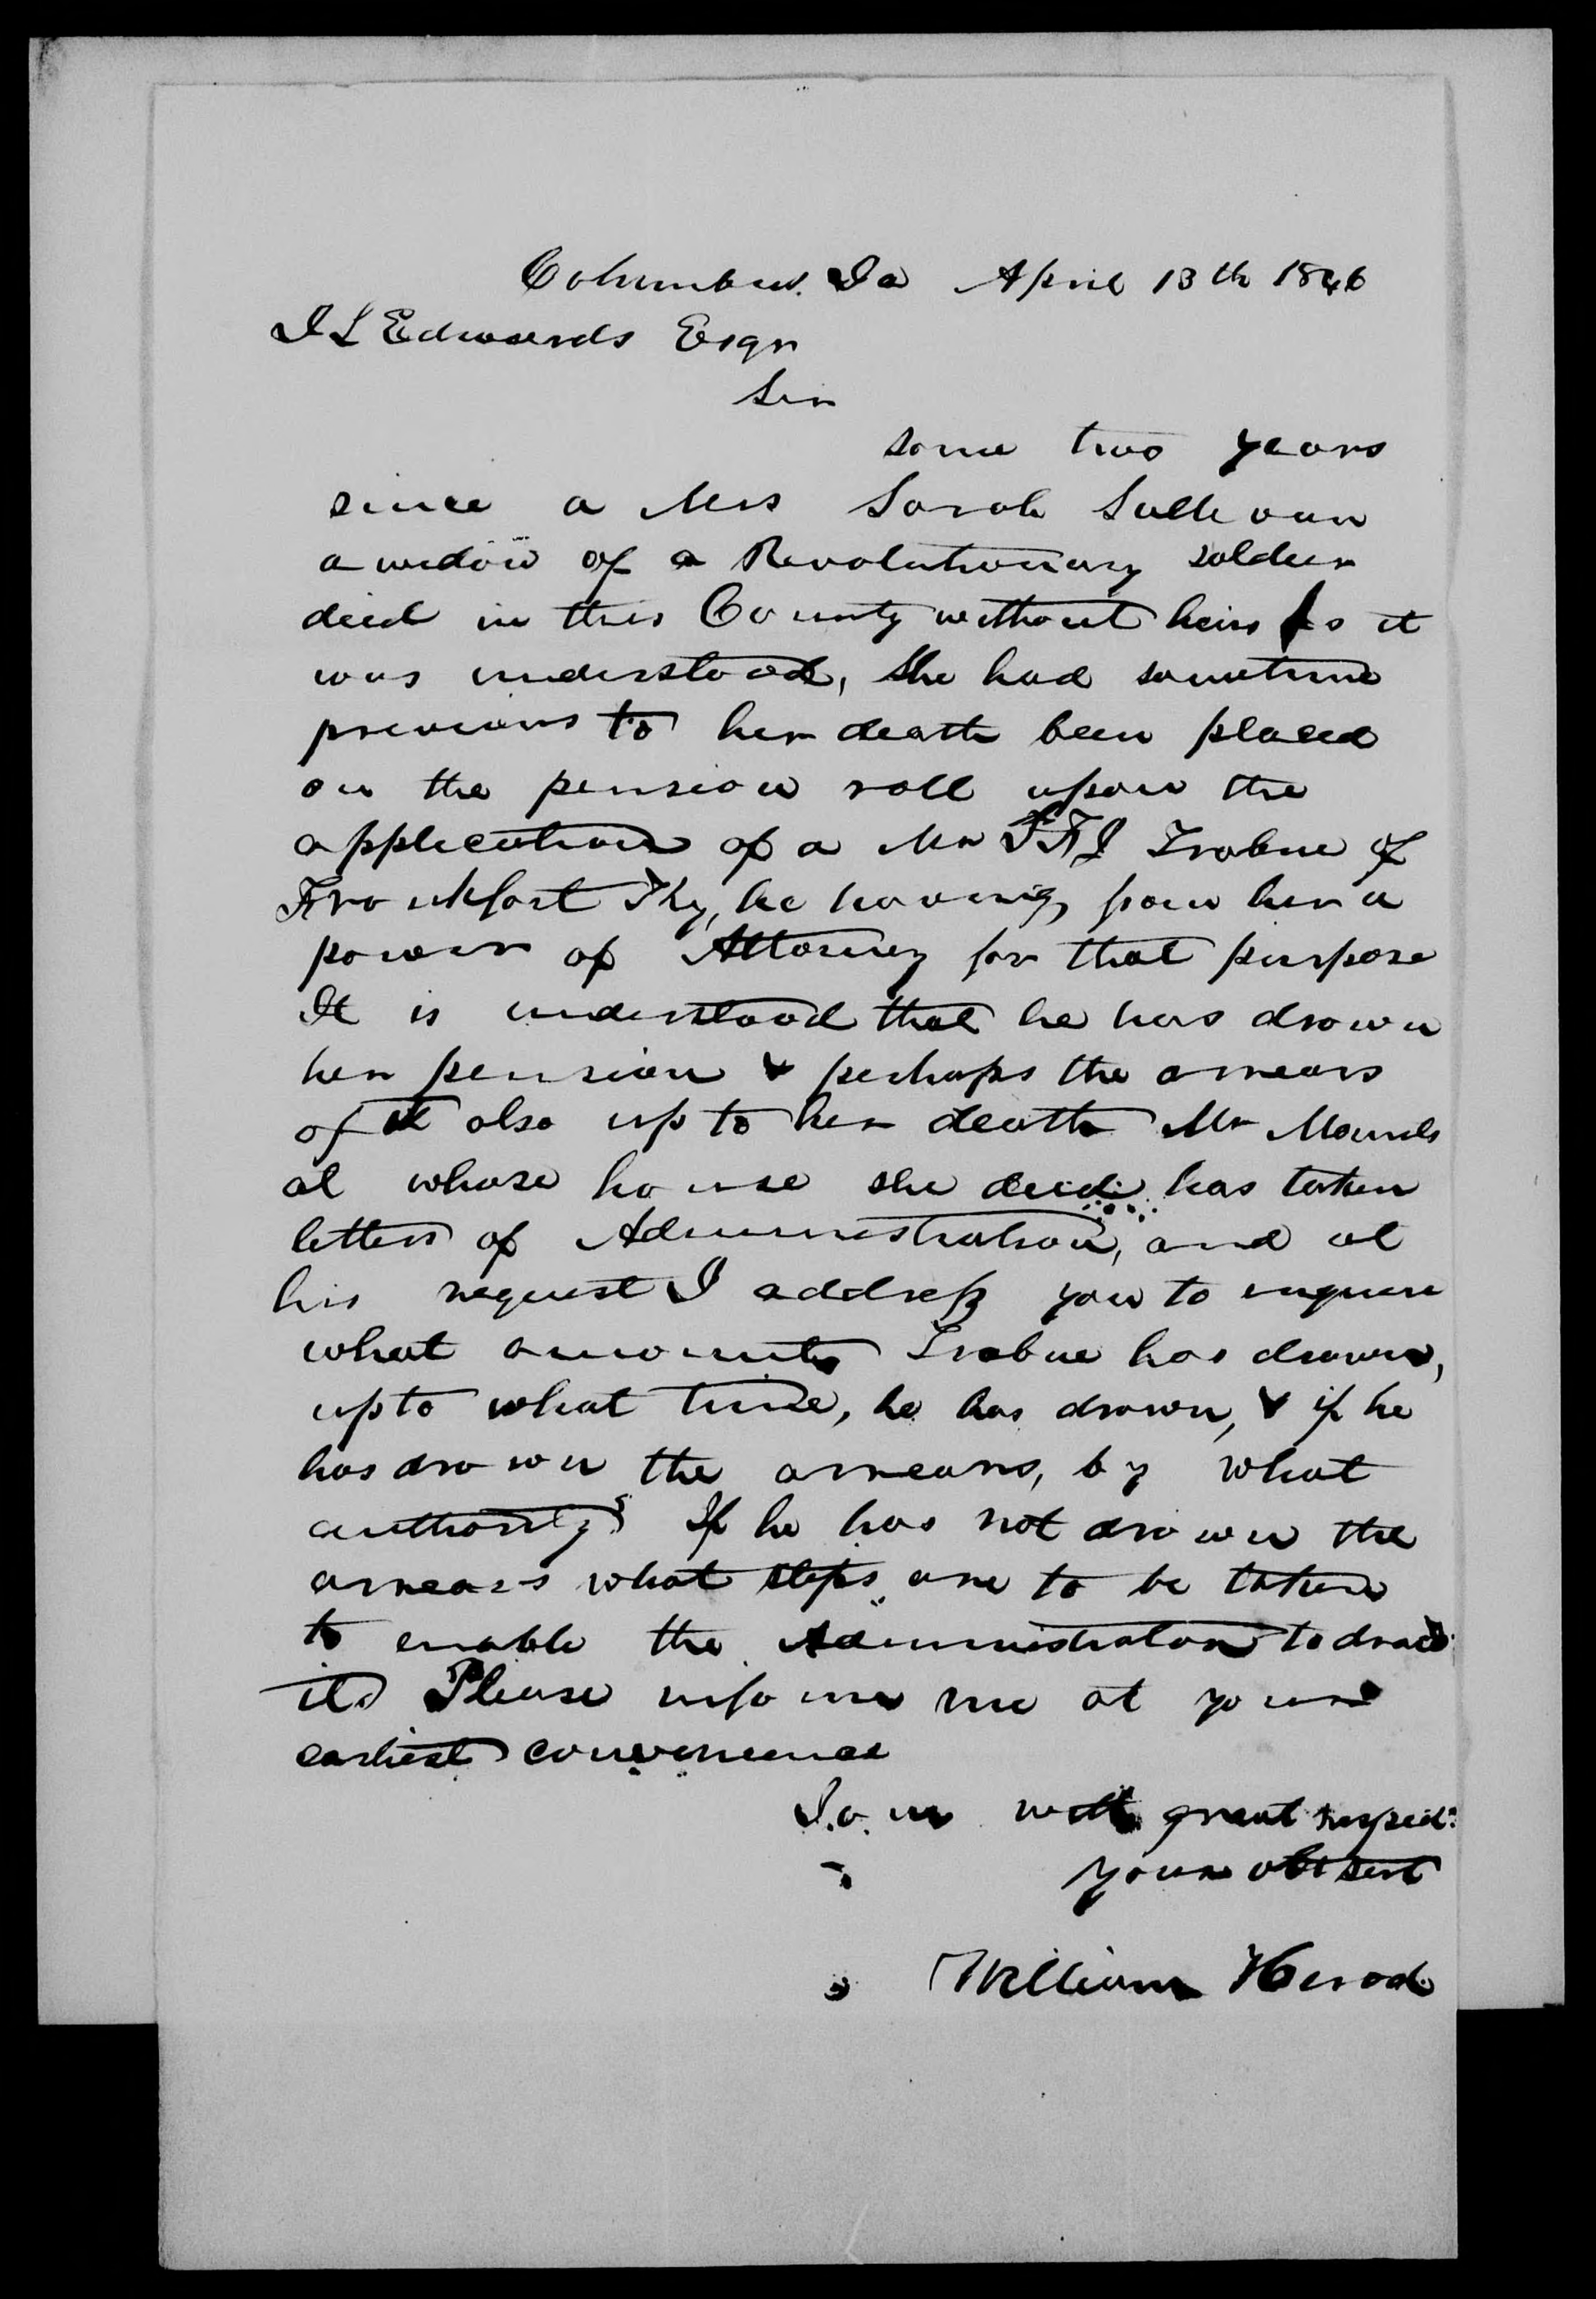Columbus Ia [Iowa] April 13th 1846

JL Edwards Esqr
Sir
Some two years since a Mrs Sarah Sullivan a widow of a Revolutionary soldier died in this County without heirs so it was understood. She had sometime previous to her death been placed on the pension roll upon the application of a Mr J J  Trabue of Frankfort Ky, he having from her a power of Attorney for that purpose
It is understood that he has drawn her pension & perhaps the arrears of it also up to her death Mr Mounds at whose house she died has taken  letters of Administration, and at his request I address you to enquire what amounts Trabue has drawn, up to what time, he has drawn, I if he has drawn the arrears, by what  authority? If he has not drawn the arrears what steps are to be taken to enable the Administration to draw it Please inform me at your earliest convenience
I am with great respect
your obt sevt
[signed] William Herod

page: 28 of 78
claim: widow's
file: W. 25,169, for Daniel Sullivan, Maryland